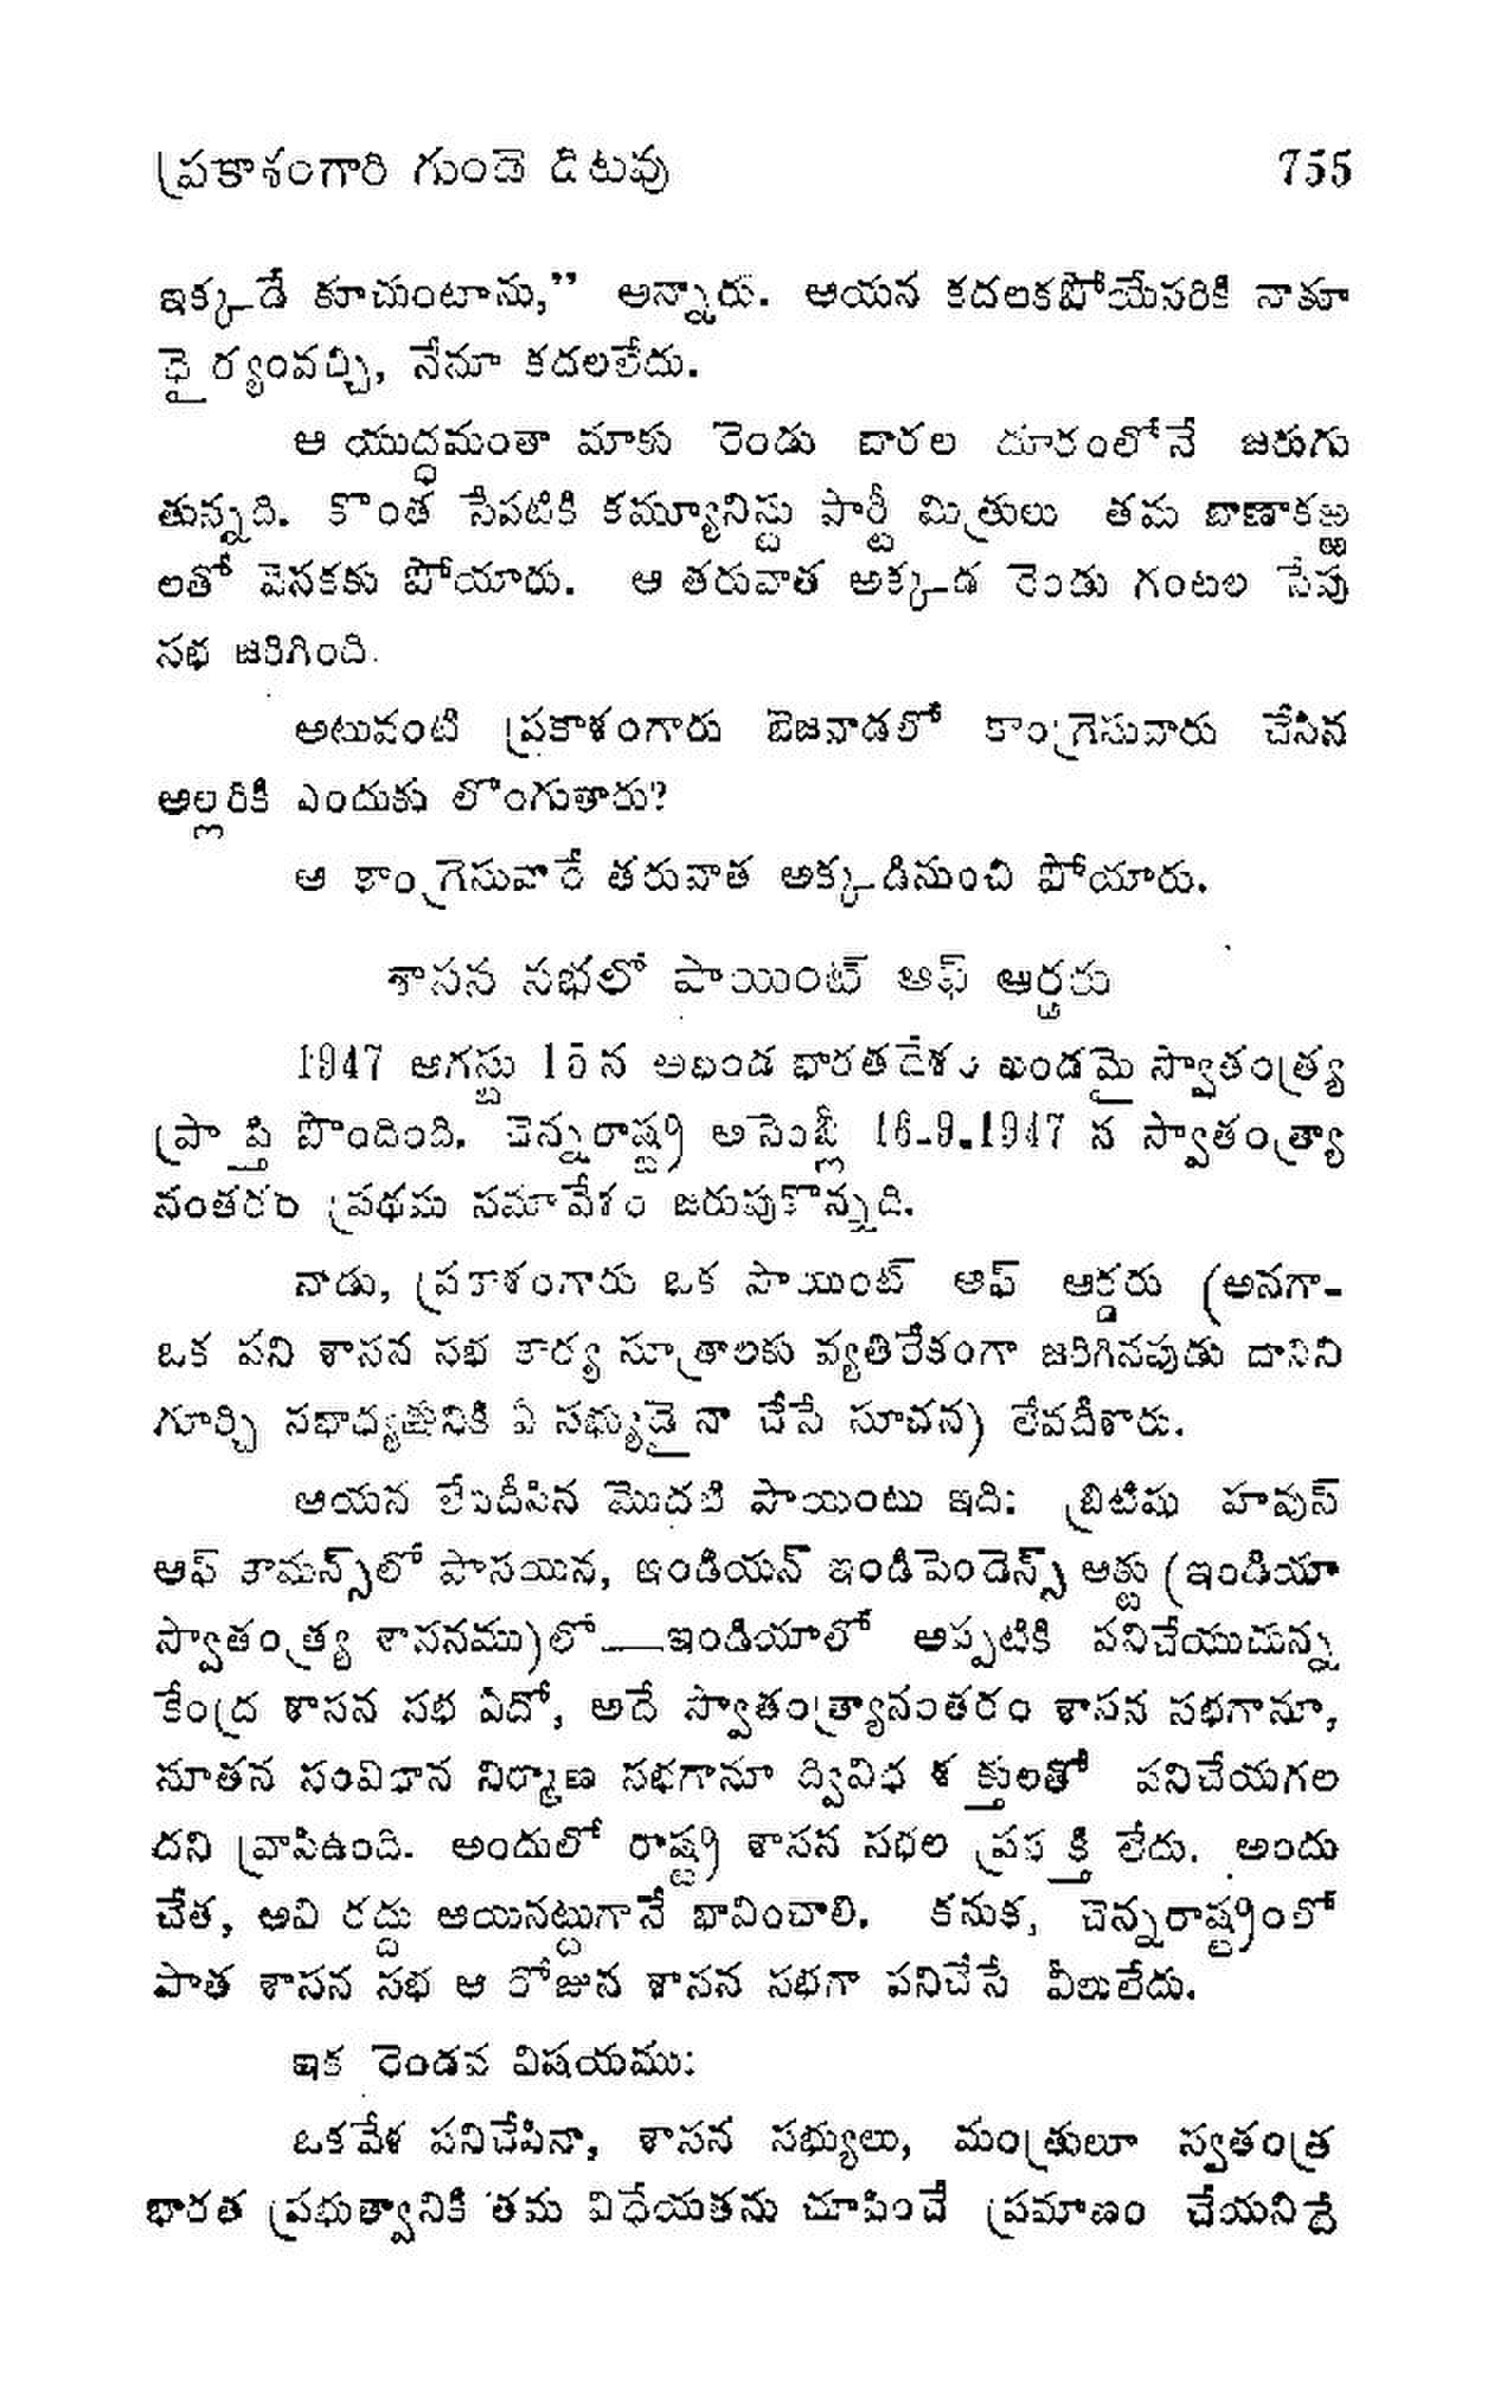ఇక్కడే కూచుంటాను," అన్నారు. ఆయన కదలకపోయేసరికి నాకూ ధైర్యంవచ్చి, నేనూ కదలలేదు.

ఆ యుద్ధమంతా మాకు రెండు బారల దూరంలోనే జరుగుతున్నది. కొంత సేపటికి కమ్యూనిస్టు పార్టీ మిత్రులు తమ బాణా కఱ్ఱలతో వెనకకు పోయారు. ఆ తరువాత అక్కడ రెండు గంటల సేపు సభ జరిగింది.

అటువంటి ప్రకాశంగారు బెజవాడలో కాంగ్రెసువారు చేసిన అల్లరికి ఎందుకు లొంగుతారు?

ఆ కాంగ్రెసువారే తరువాత అక్కడినుంచి పోయారు.

1947 ఆగస్టు 15 న అఖండ భారతదేశం ఖండమై స్వాతంత్ర్య ప్రాప్తి పొందింది. చెన్నరాష్ట్ర అసెంబ్లీ 16-9-1947 న స్వాతంత్ర్యానంతరం ప్రథమ సమావేశం జరుపుకొన్నది.

నాడు, ప్రకాశంగారు ఒక పాయింట్ ఆఫ్ ఆర్డరు (అనగా - ఒక పని శాసన సభ కార్య సూత్రాలకు వ్యతిరేకంగా జరిగినపుడు దానిని గూర్చి సభాద్యక్షునికి ఏ సభ్యుడైనా చేసే సూచన) లేవదీశారు.

ఆయన లేవదీసిన మొదటి పాయింటు ఇది: బ్రిటిషు హవుస్ ఆఫ్ కామన్స్‌లో పాసయిన, ఇండియన్ ఇండిపెండెన్స్ ఆక్టు (ఇండియా స్వాతంత్ర్య శాసనము)లో - ఇండియాలో అప్పటికి పనిచేయుచున్న కేంద్ర శాసన సభ ఏదో, అదే స్వాతంత్ర్యానంతరం శాసన సభగానూ, నూతన సంవిధాన నిర్మాణ సభగానూ ద్వివిధ శక్తులతో పనిచేయగలదని వ్రాసి ఉంది. అందులో రాష్ట్ర శాసన సభల ప్రసక్తి లేదు. అందుచేత, అవి రద్దు అయినట్టుగానే భావించాలి. కనుక, చెన్నరాష్ట్రంలో పాత శాసన సభ ఆ రోజున శాసన సభగా పనిచేసే వీలులేదు.

ఇక రెండవ విషయము:

ఒకవేళ పనిచేసినా, శాసన సభ్యులు, మంత్రులూ స్వతంత్ర భారత ప్రభుత్వానికి తమ విధేయతను చూపించే ప్రమాణం చేయనిదే